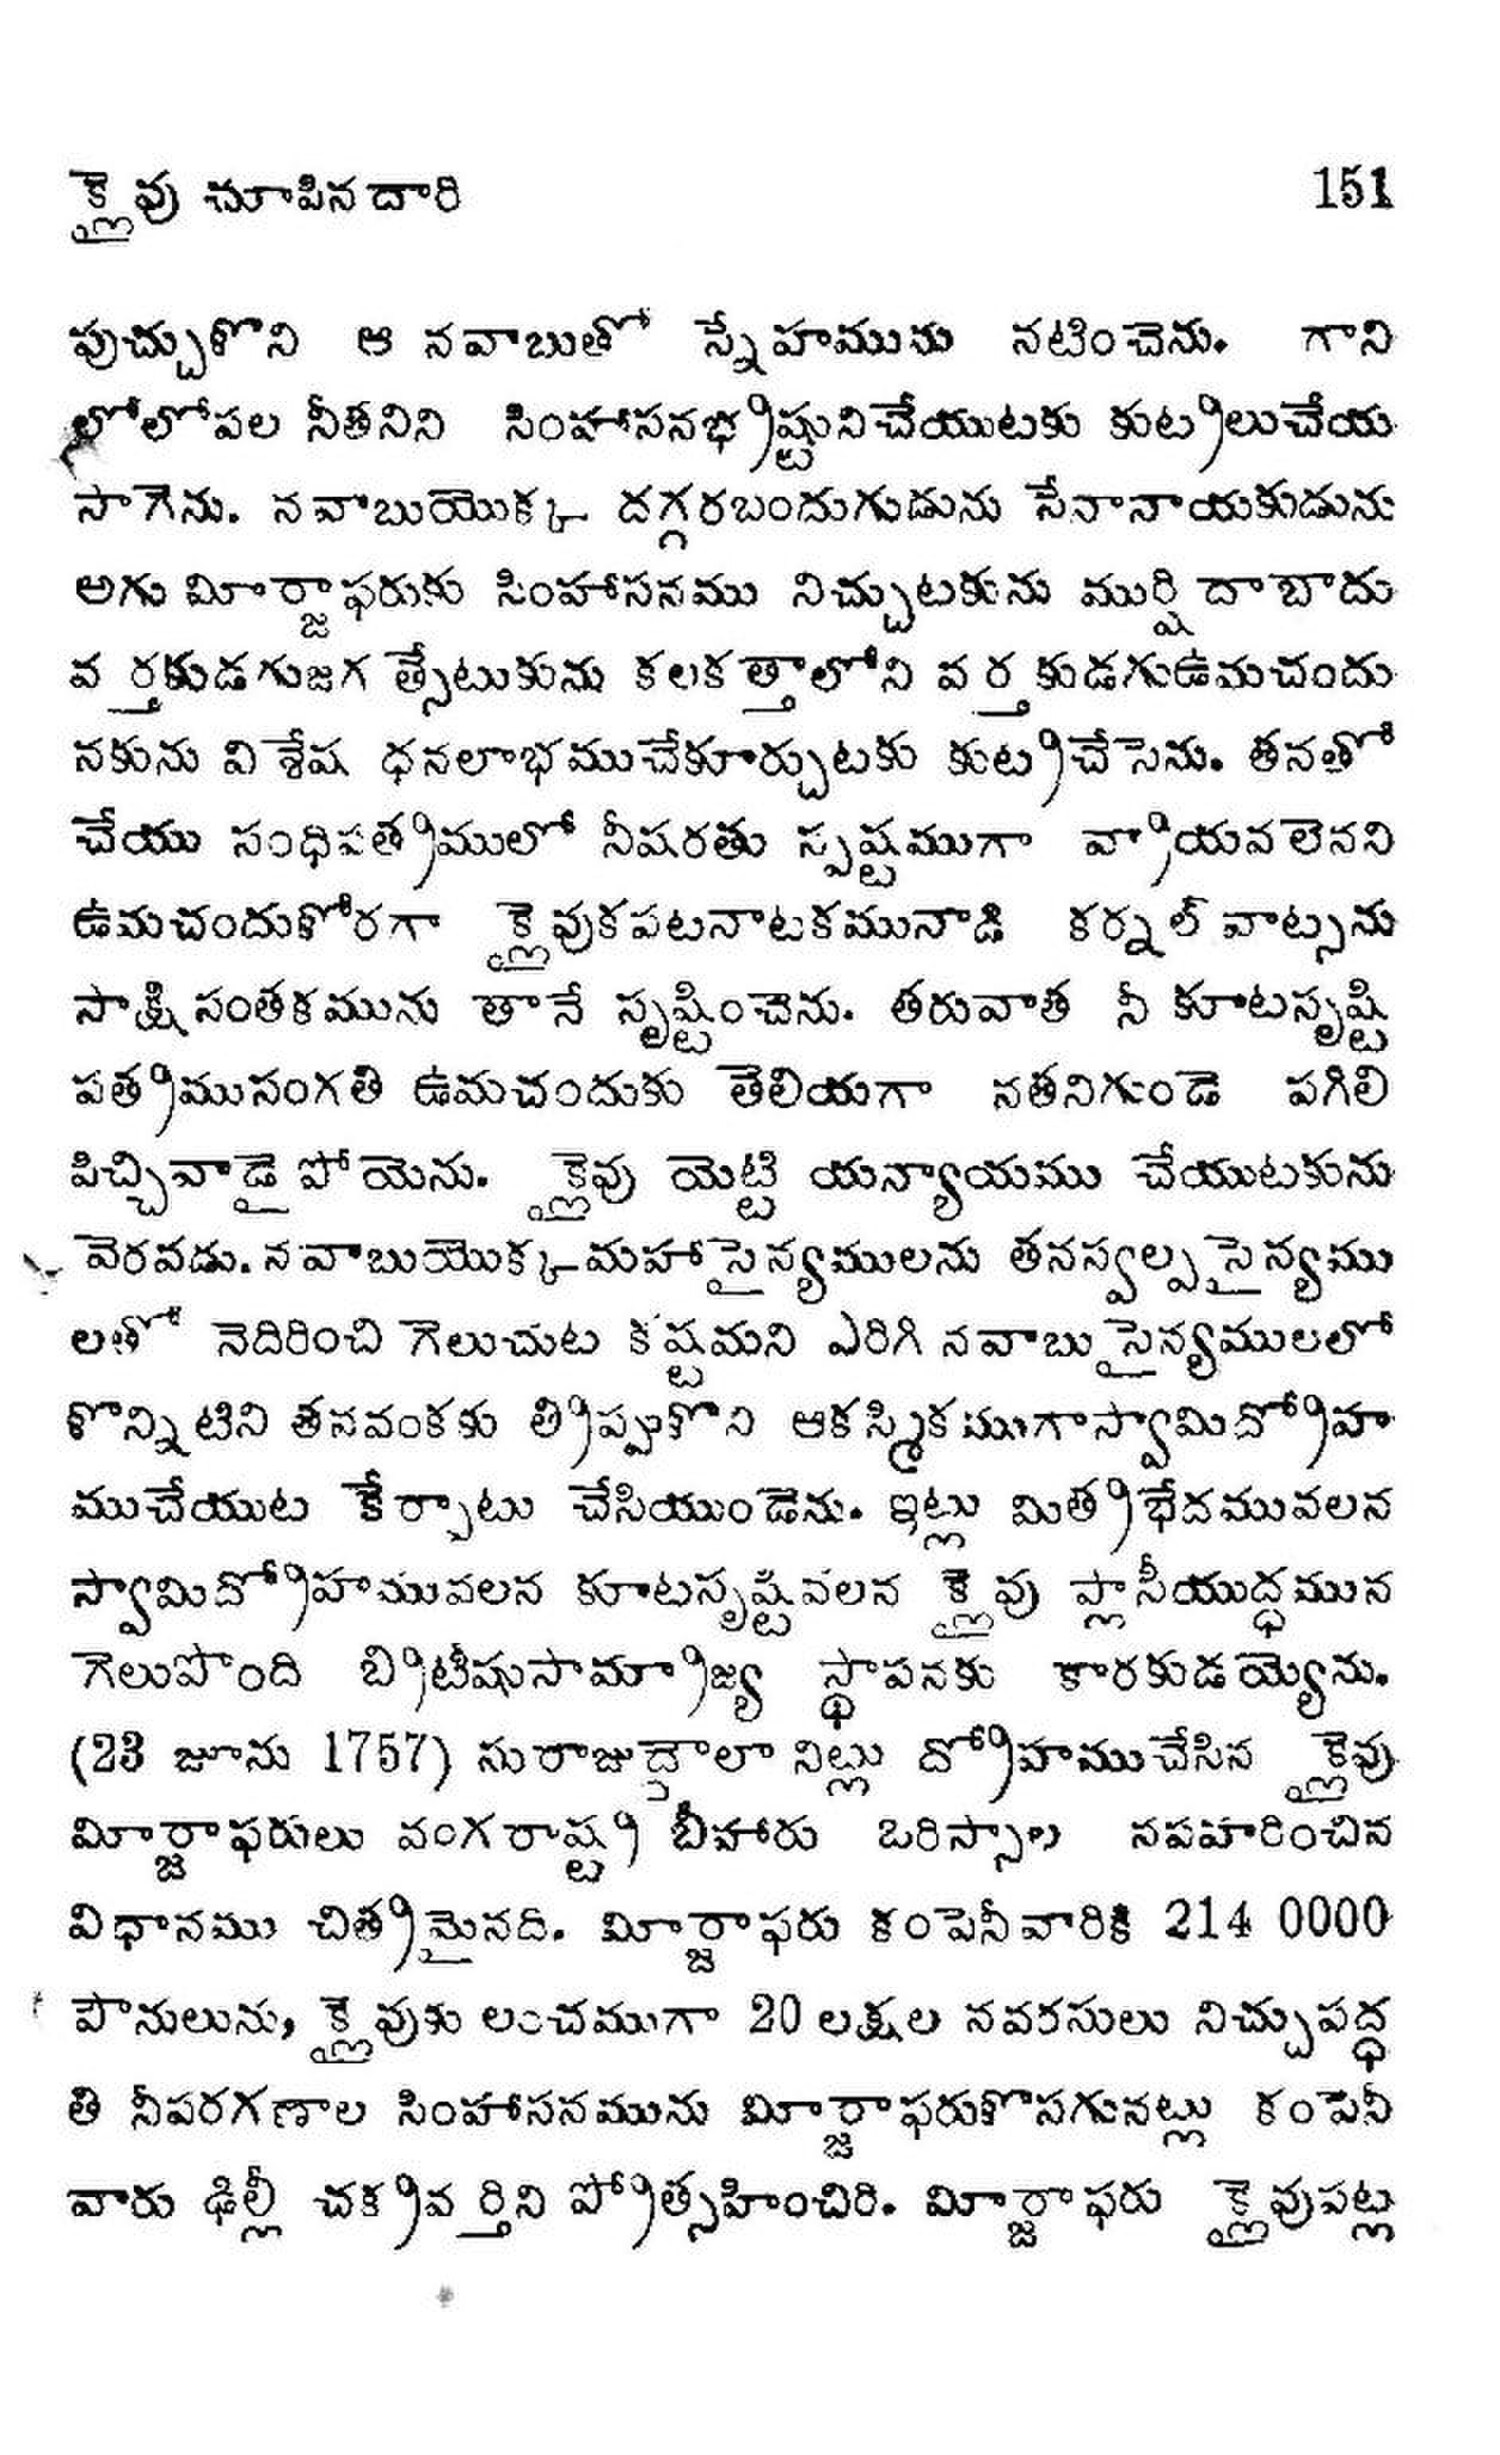పుచ్చుకొని ఆ నవాబుతో స్నేహమును నటించెను. గాని లోలోపల నీతనిని సింహాసనభ్రష్టునిచేయుటకు కుట్రలుచేయ సాగెను. నవాబుయొక్క దగ్గరబందుగుడును సేనానాయకుడును అగు మీర్జాఫరునకు సింహాసనము నిచ్చుటకును ముర్షిదాబాదు వర్తకుడగుజగత్సేటుకును కలకత్తాలోని వర్తకుడగు ఉమచందునకును విశేష ధనలాభముచేకూర్చుటకు కుట్రచేసెను. తనతో చేయు సంధిపత్రములో నీషరతు స్పష్టముగా వ్రాయవలెనని ఉమచందుకోరగా క్లైవుకపటనాటకమునాడి కర్నల్ వాట్సను సాక్షిసంతకమును తానే సృష్టించెను. తరువాత నీ కూటసృష్టి పత్రముసంగతి ఉమచందుకు తెలియగా నతనిగుండె పగిలి పిచ్చివాడైపోయెను. క్లైవు యెట్టి యన్యాయము చేయుటకును వెరవడు. నవాబుయొక్క మహాసైన్యములను తనస్వల్పసైన్యములతో నెదరించి గెలుచుట కష్టమని ఎరిగి నవాబు సైన్యములలో కొన్నిటిని తనవంకకు త్రిప్పుకొని ఆకస్మికముగాస్వామిద్రోహముచేయుట కేర్పాటు చేసియుండెను. ఇట్లు మిత్రభేదమువలన స్వామిద్రోహమువలన కూటసృష్టివలన క్లైవు ప్లాసీయుద్ధమున గెలుపొంది బ్రిటిషుసామ్రాజ్య స్థాపనకు కారకుడయ్యెను. (23 జూను 1757) సురాజుద్దౌలా నిట్లు ద్రోహముచేసిన క్లైవు మిర్జాఫరులు వంగరాష్ట్ర బీహారు ఒరిస్సాల నపహరించిన విధానము చిత్రమైనది. మీర్జాఫరు కంపెనీవారికి 2140000 పౌనులును, క్లైవుకు లంచముగా 20 లక్షల సవరనులు నిచ్చుపద్ధతి నీపరగణాల సింహాసనమును మీర్జాఫరుకొసగునట్లు కంపెనీ వారు ఢిల్లీ చక్రవర్తిని ప్రోత్సహించిరి. మీర్జాఫరు క్లైవుపట్ల